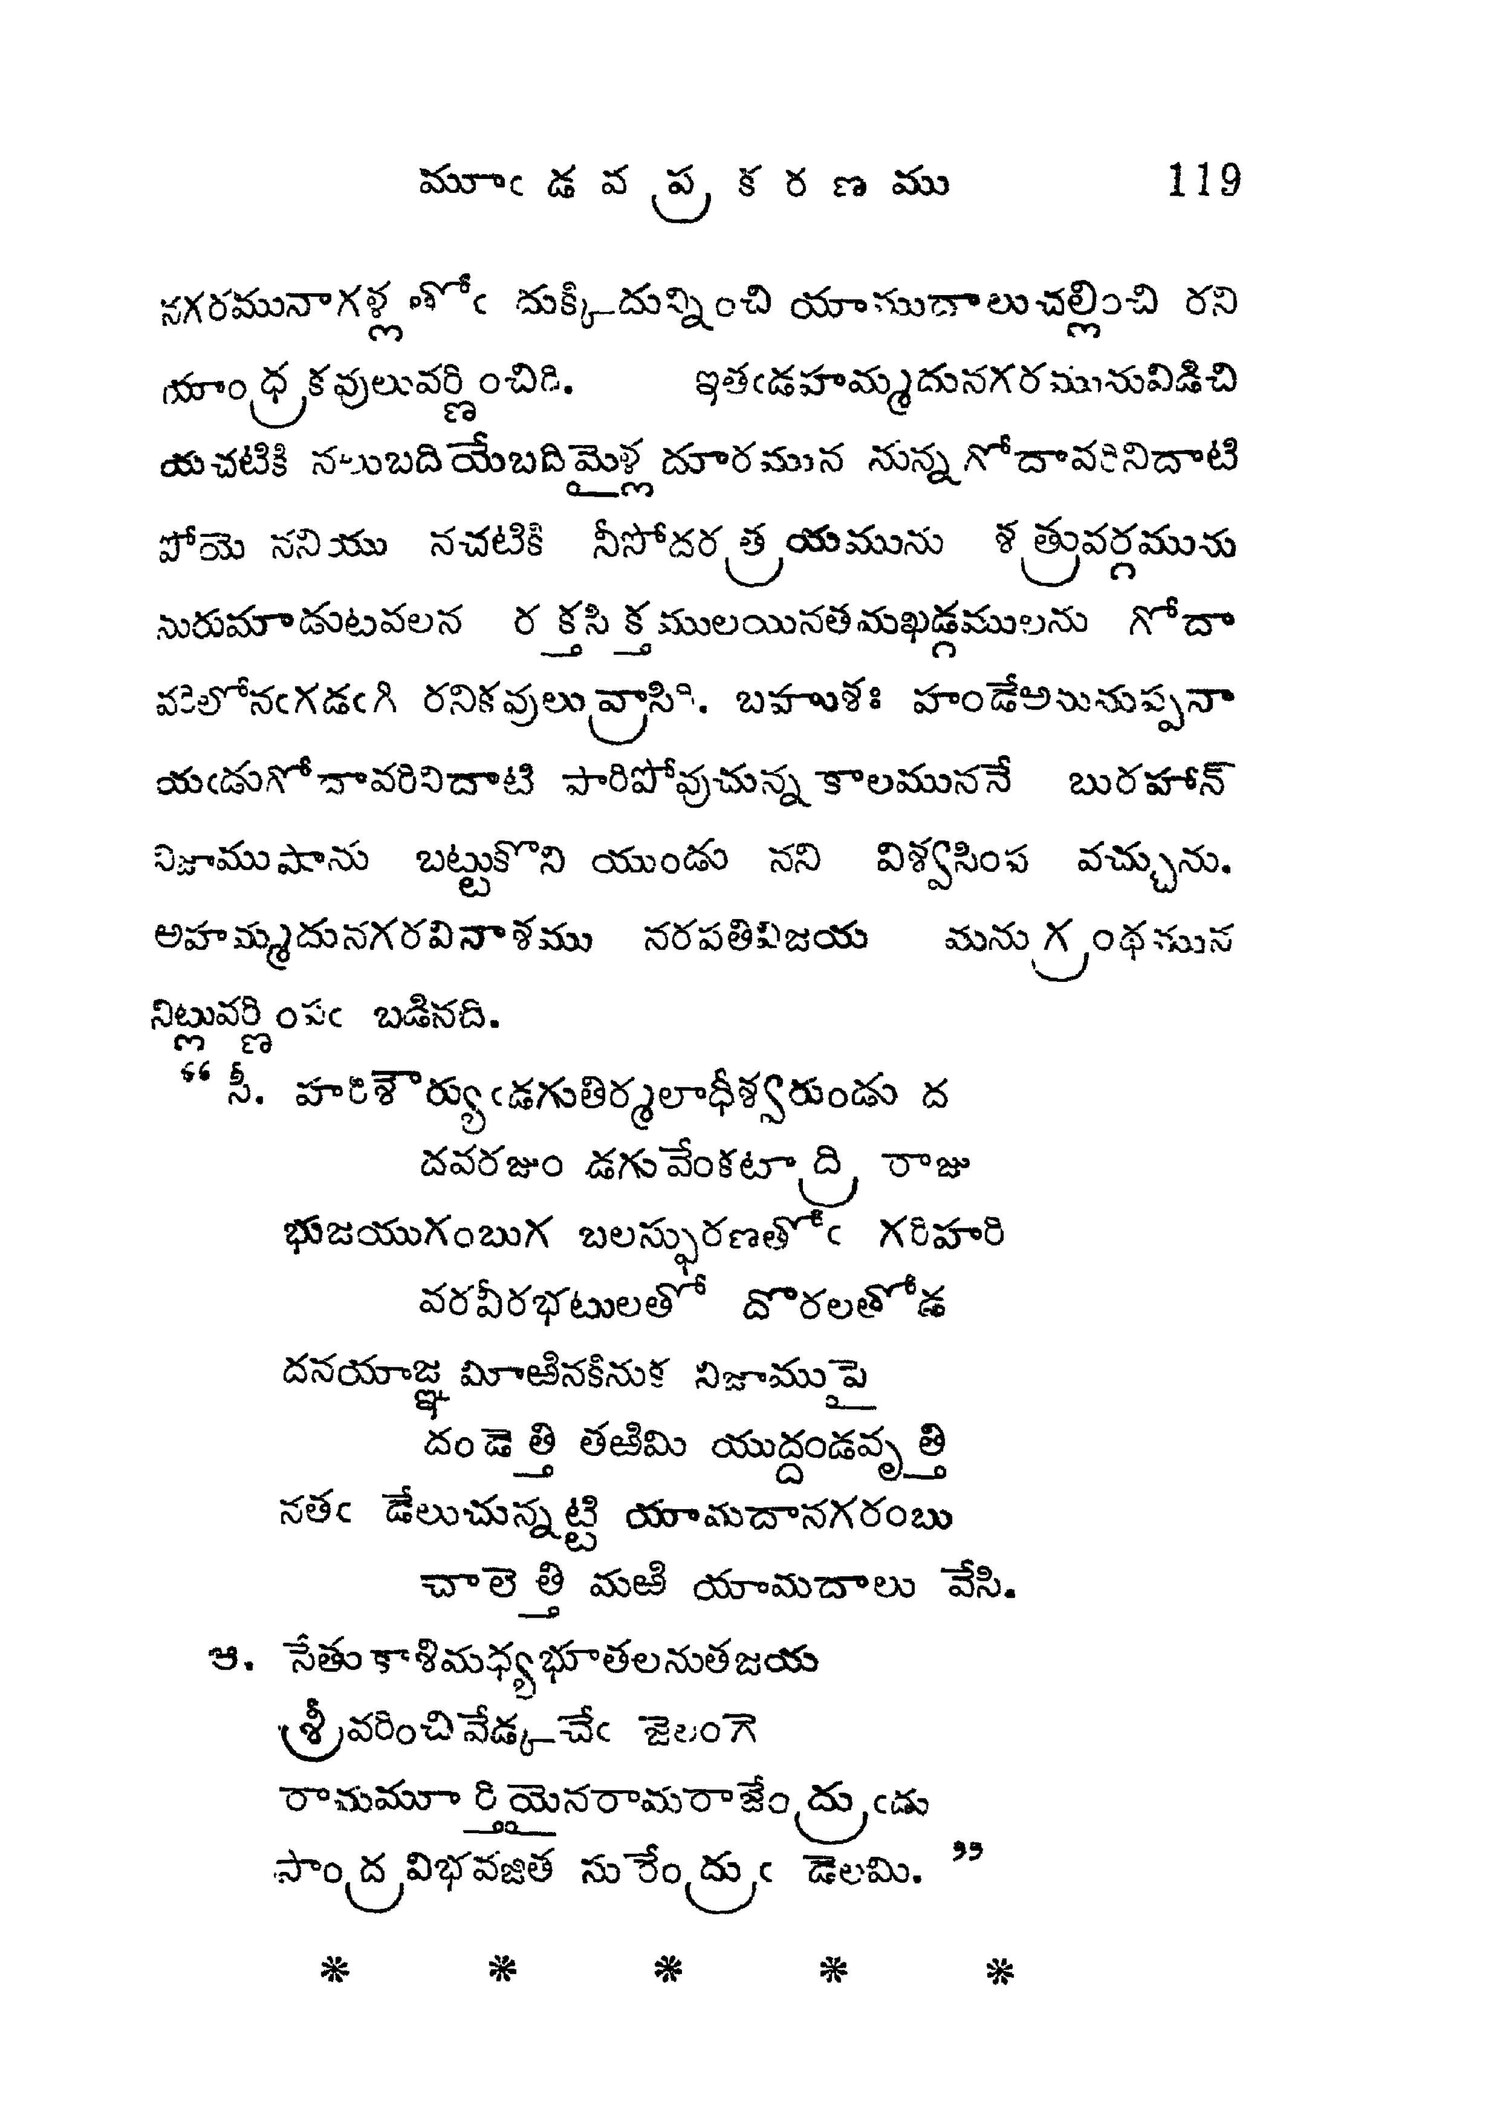నగరమునాగళ్లతో దుక్కిదున్నించి యాముదాలుచల్లించి రని యాంధ్రకవులు వర్ణించిరి. ఇతడహమ్మదునగరమునువిడిచి యచటికి నలుబదియేబదిమైళ్ల దూరమున నున్న గోదావరినిదాటి పోయె ననియు నచటికి నీసోదరత్రయమును శత్రువర్గమును నురుమాడుటవలన రక్తసిక్తములయిన తమ ఖడ్గములను గోదావరిలోనగడిగి రనికవులువ్రాసిరి. బహుశ: హండేఅనుమప్పనాయడు గోదావరిని దాటి పారిపోవుచున్న కాలముననే బురహాన్‌నిజాముషాను బట్టుకొని యుండు నని విశ్వసింప వచ్చును. అహమ్మదునగరవినాశము నరపతివిజయ మనుగ్రంథమున నిట్లువర్ణింప బడినది.

 "సీ. హరిశౌర్యుడగుతిర్మాలాధీశ్వరుండు ద
 దవరజుం డగువేంకటాద్రి రాజు
 భుజయుగంబుగ బలస్ఫురణతో గరిహరి
 వరవీరభటులతో దొరలతోడ
 దనయాజ్ఞ మీఱినకినుక నిజాముపై
 దండెత్తి తఱిమి యుద్దండవృత్తి
 నత డేలుచున్నట్టి యామదానగరంబు
 చాలెత్తి మఱి యామదాలు వేసి.

 ఆ. సేతు కాశిమధ్యభూతలనుతజయ
 శ్రీవరించివేడ్కచే జెలంగె
 రామమూర్తియైనరామరాజేంద్రుడు
 సాంద్రవిభవజిత సురేంద్రు డెలమి."